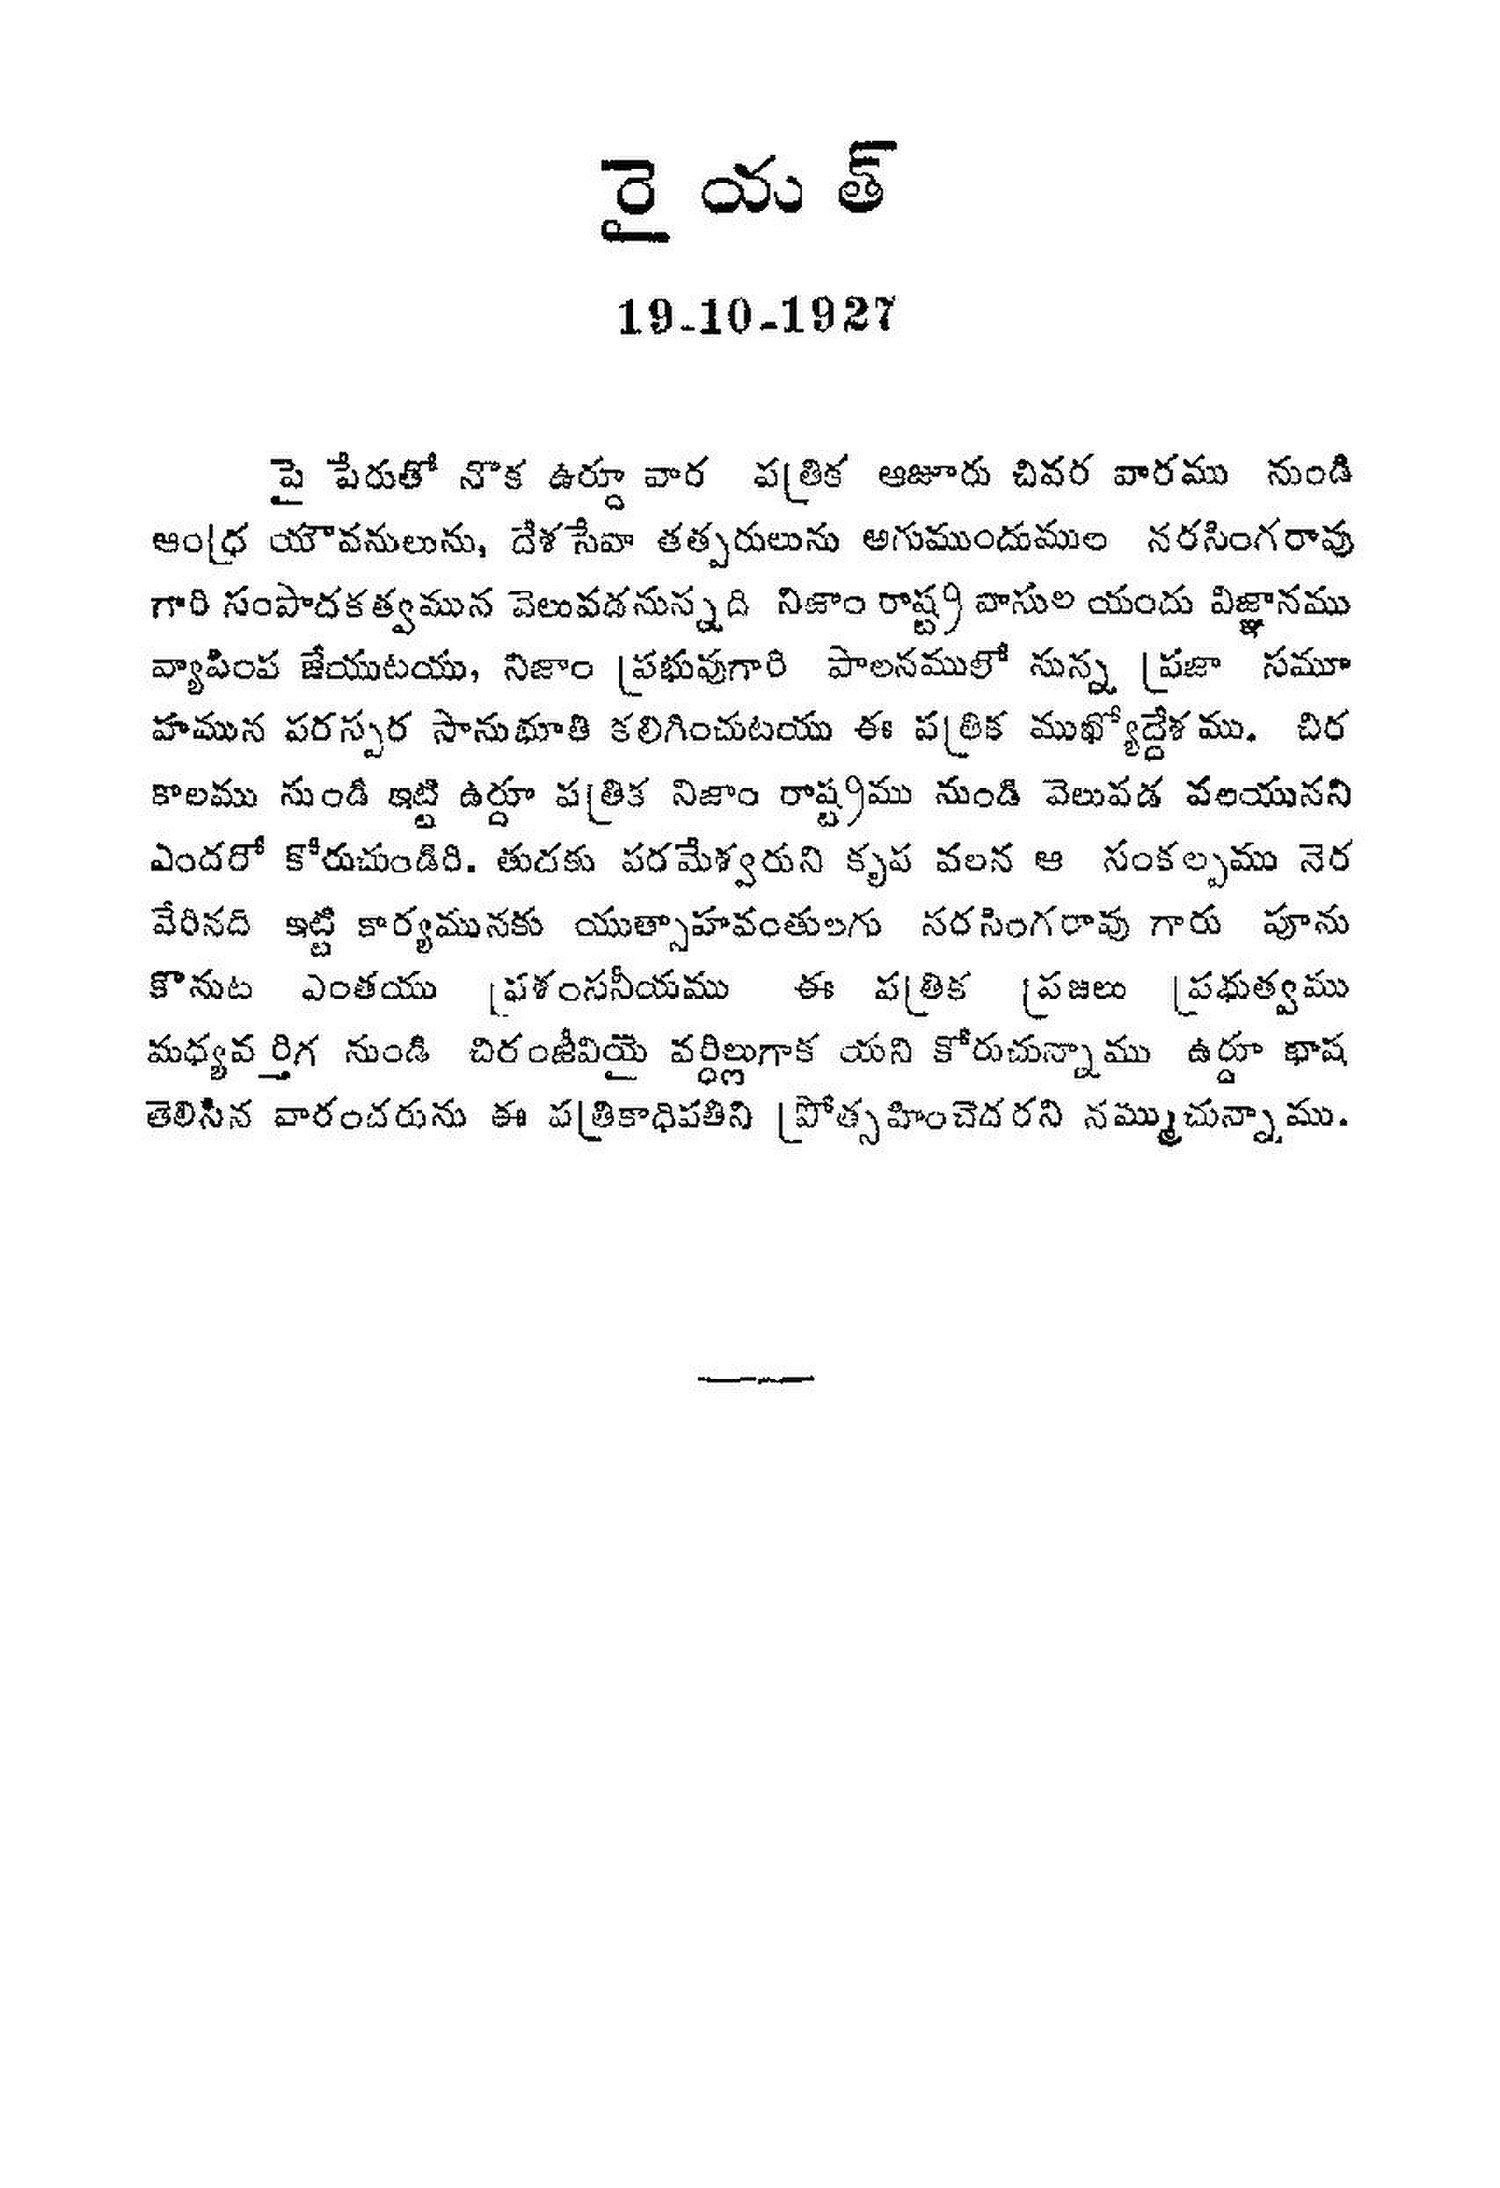రై య త్

19-10-1927

పై పేరుతో నొక ఉర్దూ వార పత్రిక ఆజూరు చివర వారము నుండి ఆంధ్ర యౌవనులును, దేశసేవా తత్పరులును అగుముందుముల నరసింగరావుగారి సంపాదకత్వమున వెలువడనున్నది నిజాం రాష్ట్ర వాసుల యందు విజ్ఞానము వ్యాపింప జేయుటయు, నిజాం ప్రభువుగారి పాలనములో నున్న ప్రజా సమూహమున పరస్పర సానుభూతి కలిగించుటయు ఈ పత్రిక ముఖ్యోద్దేశము. చిరకాలము నుండి ఇట్టి ఉర్దూ పత్రిక నిజాం రాష్ట్రము నుండి వెలువడ వలయునని ఎందరో కోరుచుండిరి. తుదకు పరమేశ్వరుని కృప వలన ఆ సంకల్పము నెరవేరినది ఇట్టి కార్యమునకు యుత్సాహవంతులగు సరసింగరావు గారు పూనుకొనుట ఎంతయు ప్రశంసనీయము ఈ పత్రిక ప్రజలు ప్రభుత్వము మధ్యవర్తిగ నుండి చిరంజీవియై వర్ధిల్లుగాక యని కోరుచున్నాము ఉర్దూ భాష తెలిసిన వారందరును ఈ పత్రికాధిపతిని ప్రోత్సహించెదరని నమ్ముచున్నాము.